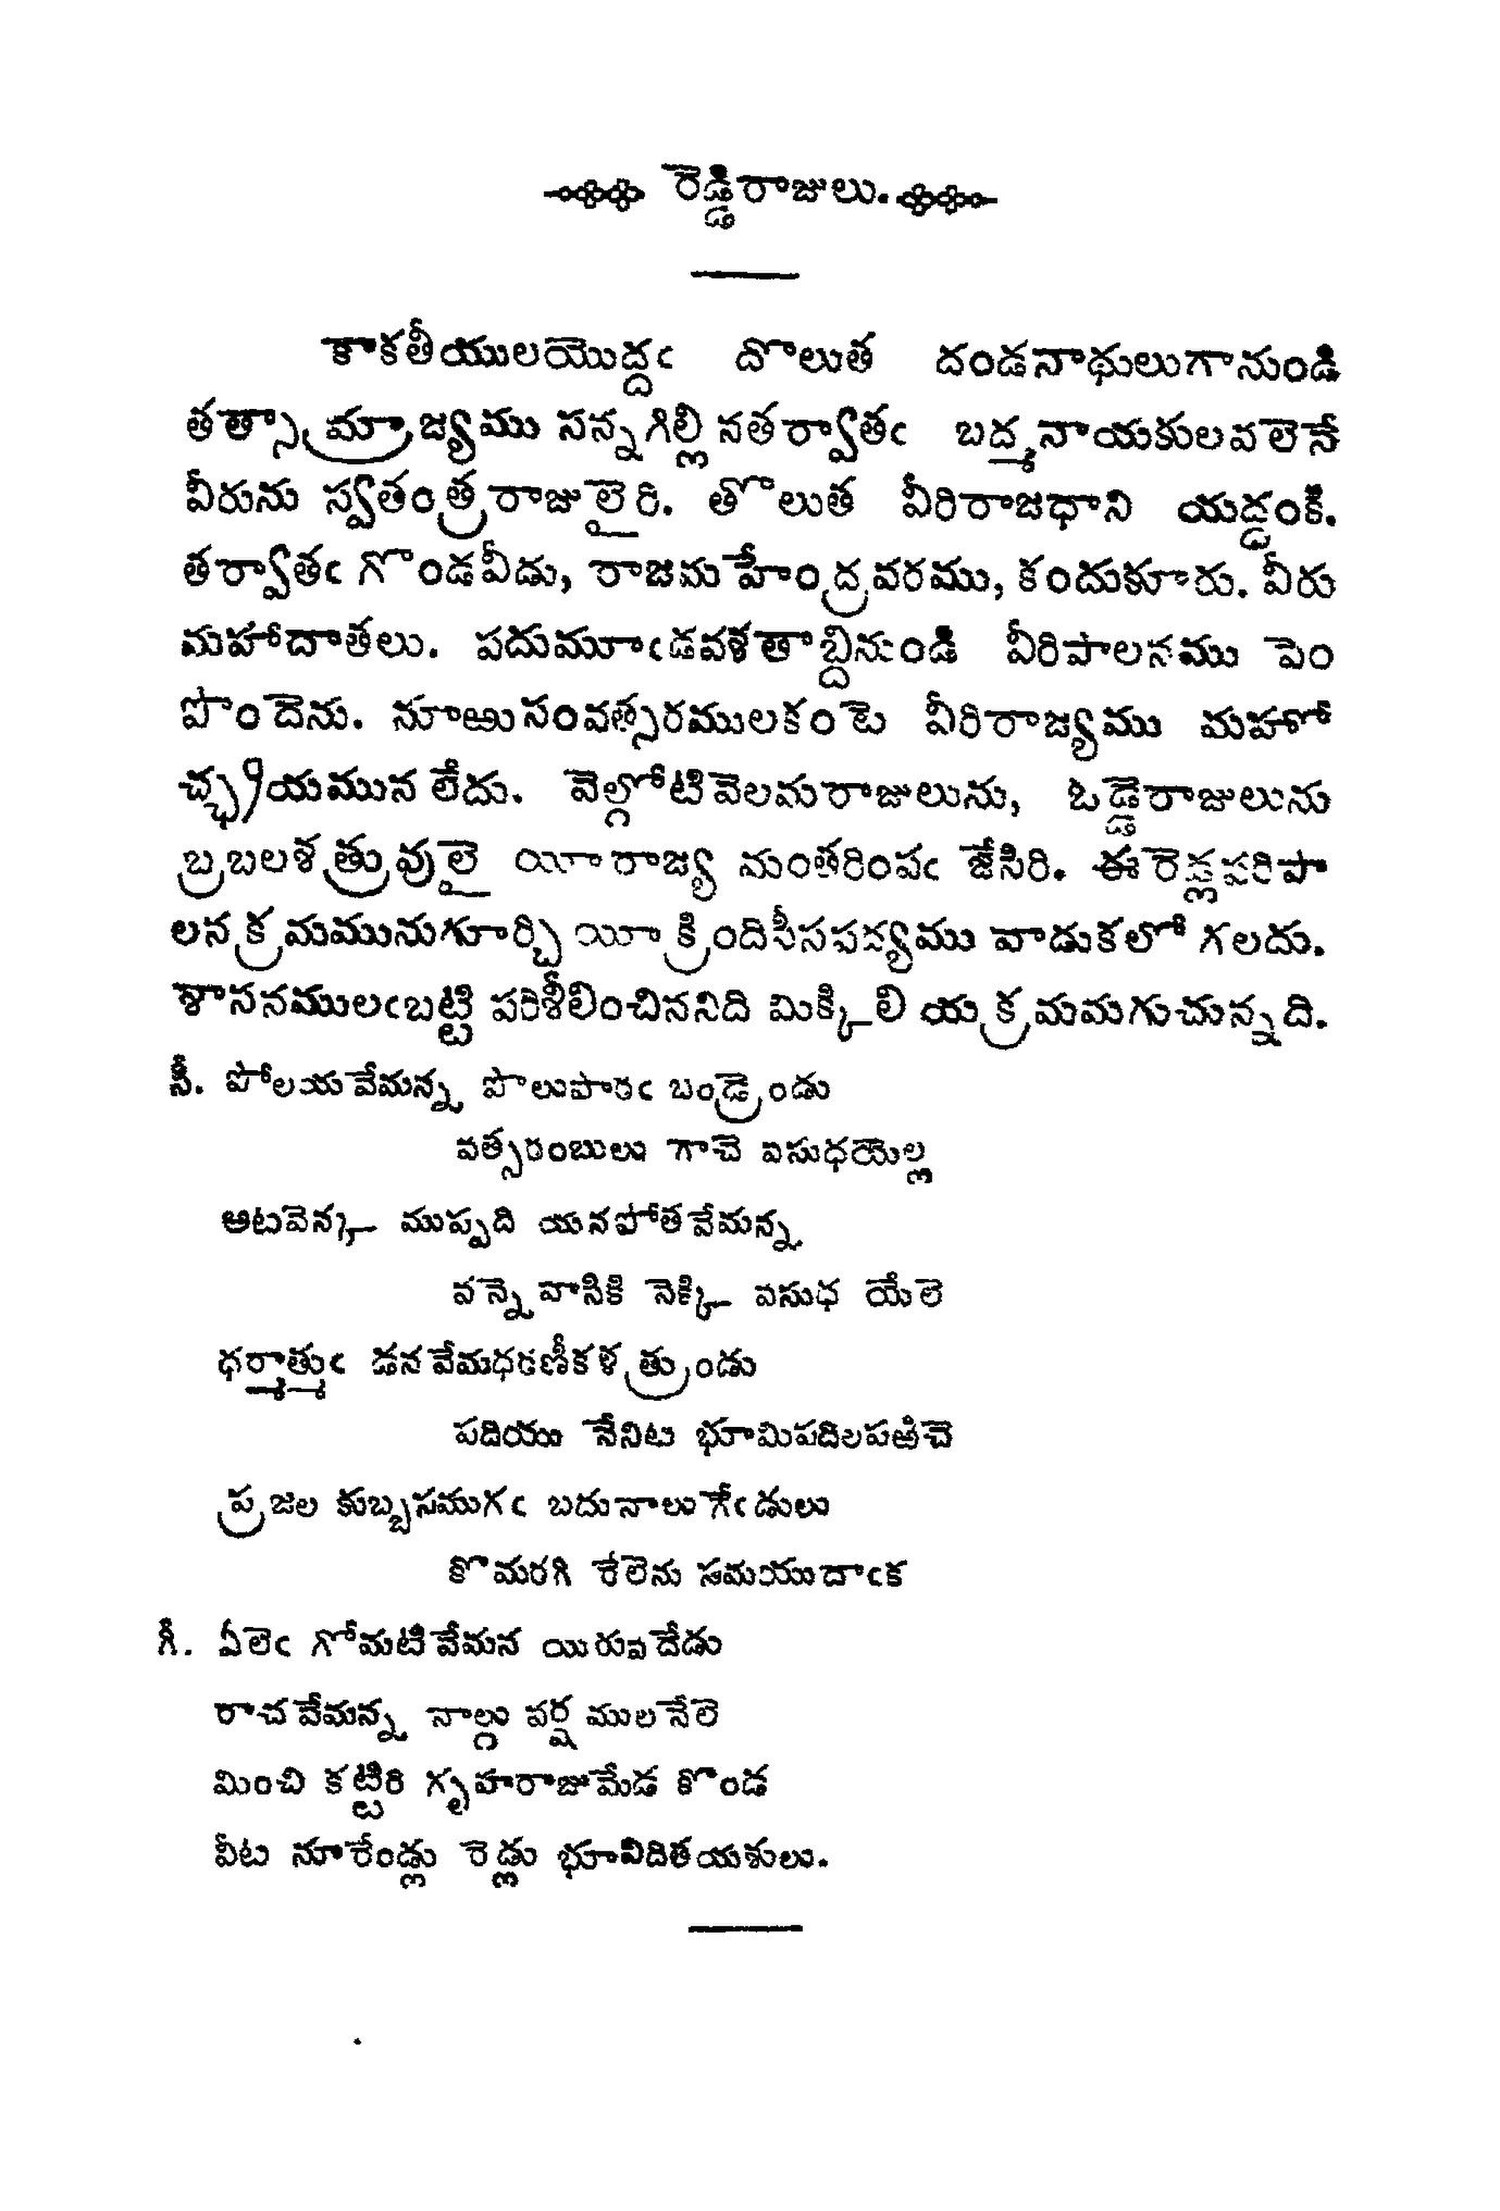కాకతీయులయొద్దఁ దొలుత దండనాథులుగానుండి తత్సామ్రాజ్యము సన్నగిల్లినతర్వాతఁ బద్మనాయకులవలెనే వీరును స్వతంత్రరాజులైరి. తొలుత వీరిరాజధాని యద్దంకి. తర్వాతఁ గొండవీడు, రాజమహేంద్రవరము, కందుకూరు. వీరు మహాదాతలు. పదమూఁడవశతాబ్దినుండి వీరిపాలనము పెంపొందెను. నూఱుసంవత్సరములకంటె వీరిరాజ్యము మహోచ్ఛ్రయమున లేదు. వెల్గోటివెలమరాజులును, ఒడ్డెరాజులును బ్రబలశత్రువులై యీరాజ్య మంతరింపఁజేసిరి. ఈరెడ్లపరిపాలనక్రమమునుగూర్చి యీక్రిందిసీసపద్యము వాడుకలో గలదు. శాసనములఁ బట్టి పరిశీలించిన నిది మిక్కిలి యక్రమ మగుచున్నది.
సీ. పోలయవేమన్న పొలుపారఁ బండ్రెండు
 వత్సరంబులు గాచె వసుధయెల్ల
 అటవెన్క ముప్పది యనపోతవేమన్న
 వన్నెవాసికి నెక్కి వసుధ యేలె
 ధర్మాత్ముఁ డనవేమధరణీకళత్రుండు
 పదియు నేనిట భూమి పదిలపఱిచె
 ప్రజల కుబ్బసముగఁ బదునాలుగేఁడులు
 కొమరగి రేలెను సమయుదాఁక
గీ. ఏలెఁ గోమటివేమన యిరువదేడు
 రాచవేమన్న నాల్గువర్షములు నేలె
 మించి కట్టిరి గృహరాజుమేడ కొండ
 వీట నూరేండ్లు రెడ్లు భూవిదితయశులు.